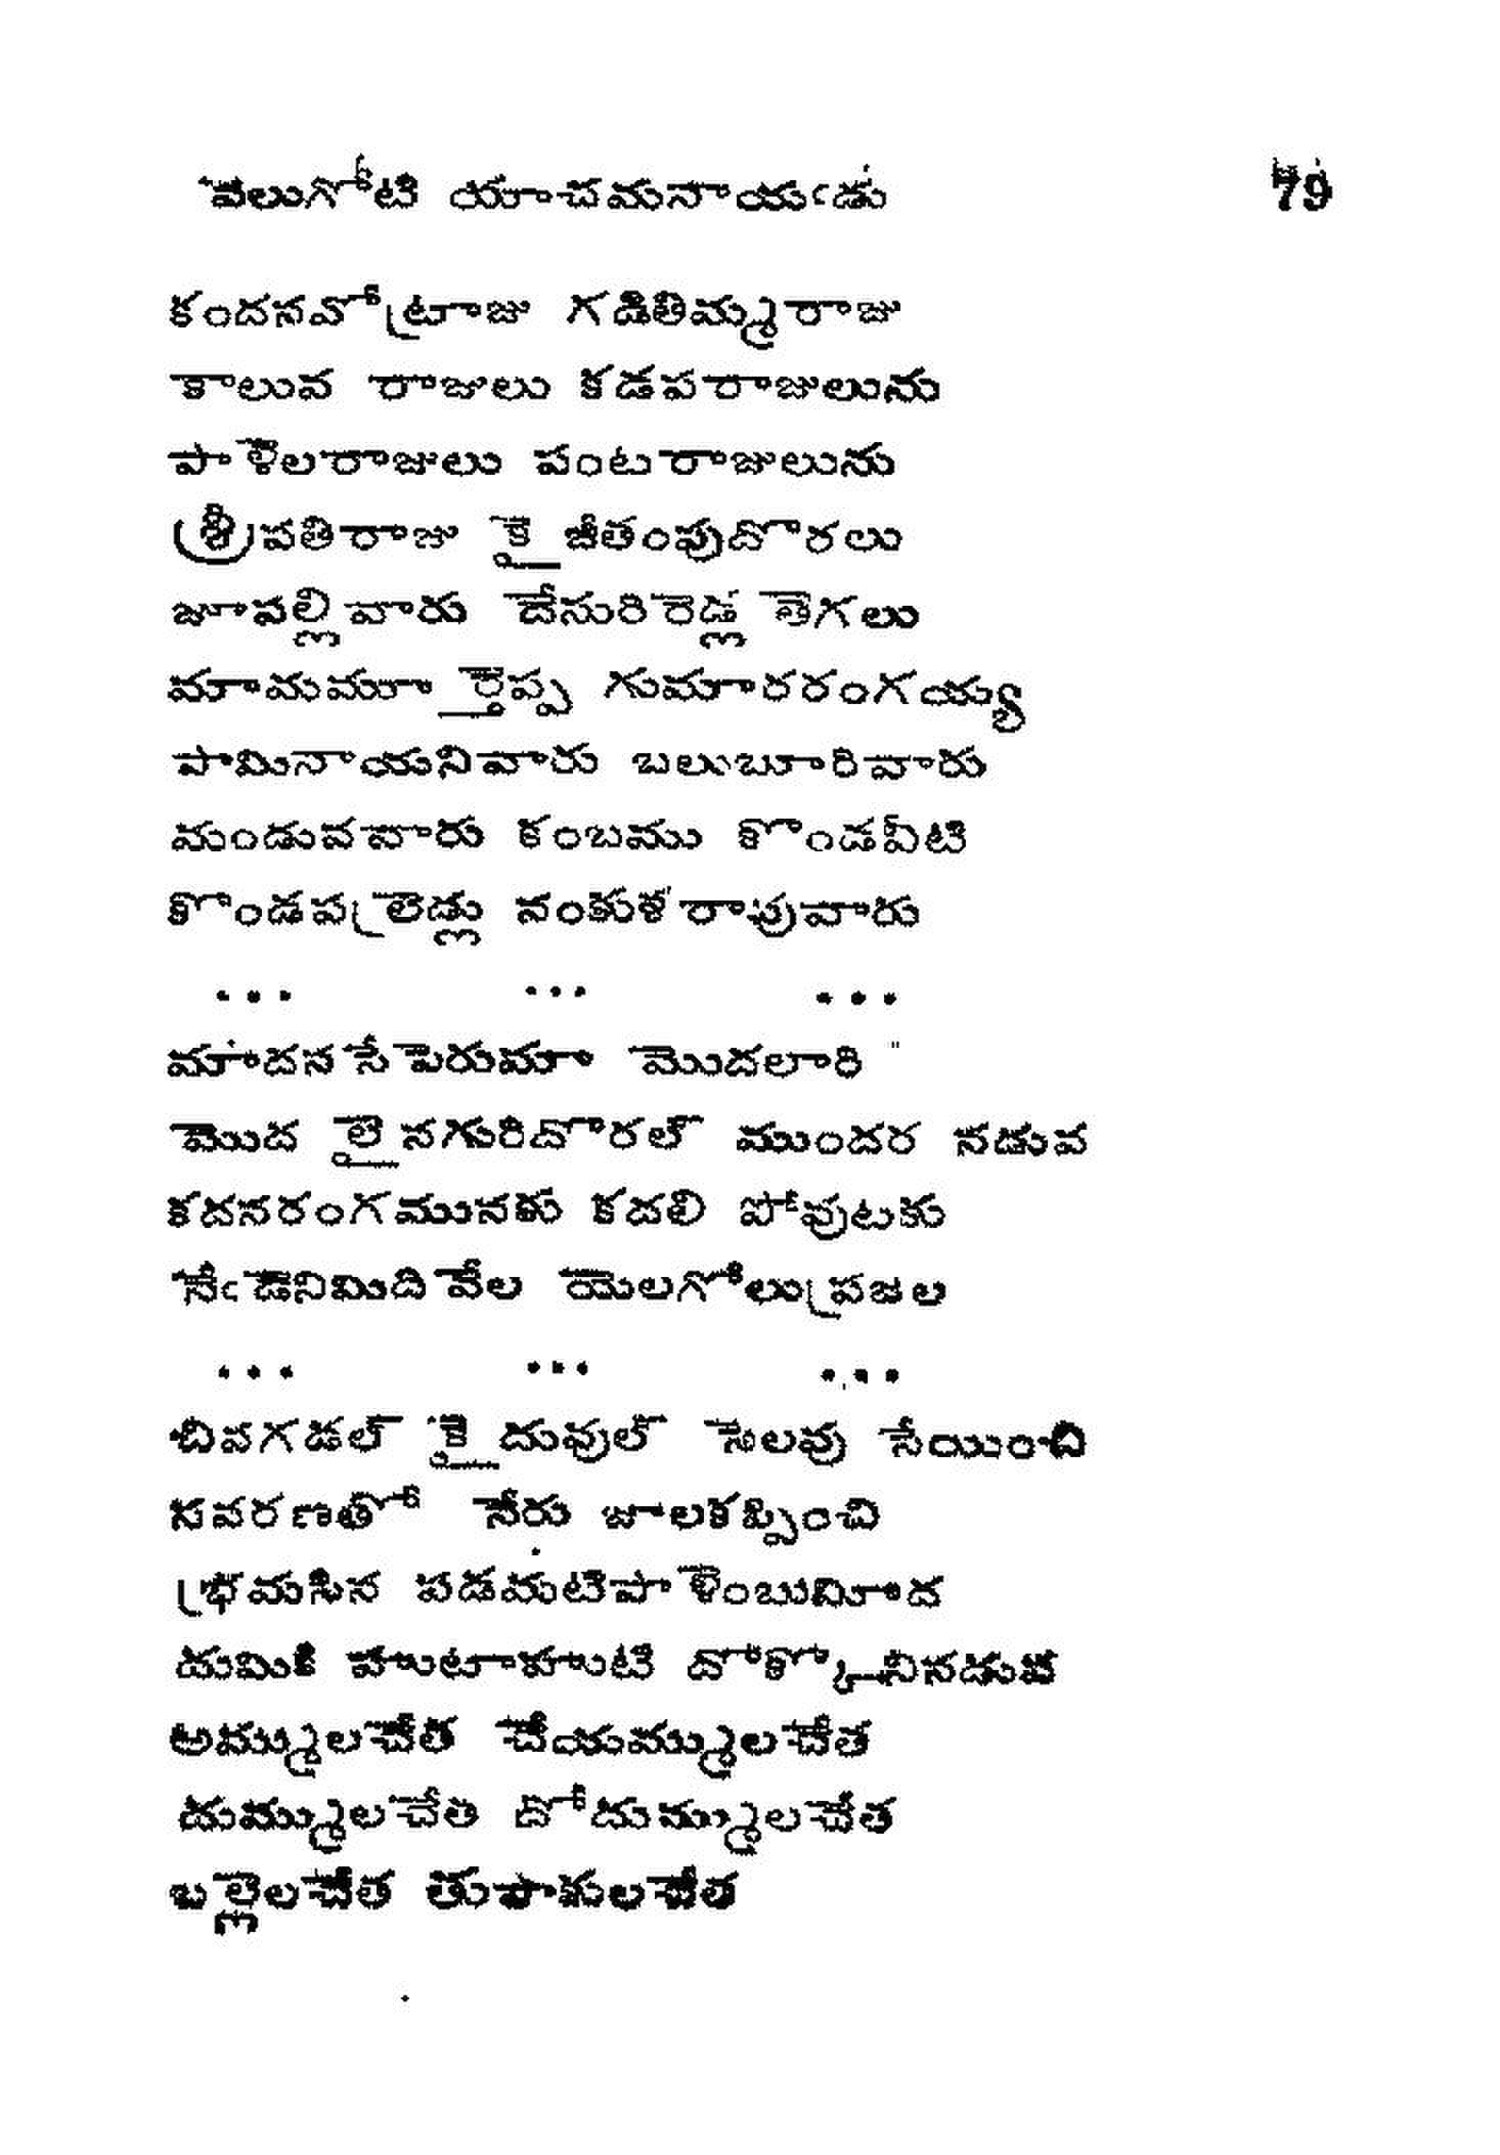కందనవోట్రాజు గడితిమ్మరాజు
 కాలువ రాజులు కడపరాజులును
 పాళెలరాజులు పంటరాజులును
 శ్రీపతిరాజు కైజీతంపుదొరలు
 జూపల్లివారు దేసురిరెడ్ల తెగలు
 మామమూర్తెప్ప గుమారరంగయ్య
 పామినాయనివారు బలుబూరివారు
 మండువవారు కంబము కొండవీటి
 కొండపల్రెడ్లు నంకుశరావువారు
 ... ... ...
 మాదనసేపెరుమా మొదలారి
 మొద లైనగురిదొరల్ ముందర నడువ
 కదనరంగమునకు కదలి పోవుటకు
 నేఁడెనిమిది వేల యెలగోలుప్రజల
 ... ... ...
 చివగడల్ కైదువుల్ సెలవు సేయించి
 సవరణతో నేరు జాలకప్పించి
 భ్రమసిన పడమటిపాళెంబుమీద
 దుమికి హుటాహుటి దొక్కొనినడువ
 అమ్ములచేత చేయమ్ములచేత
 దుమ్ములచేత దోదుమ్ములచేత
 బల్లెలచేత తుపాకులచేత